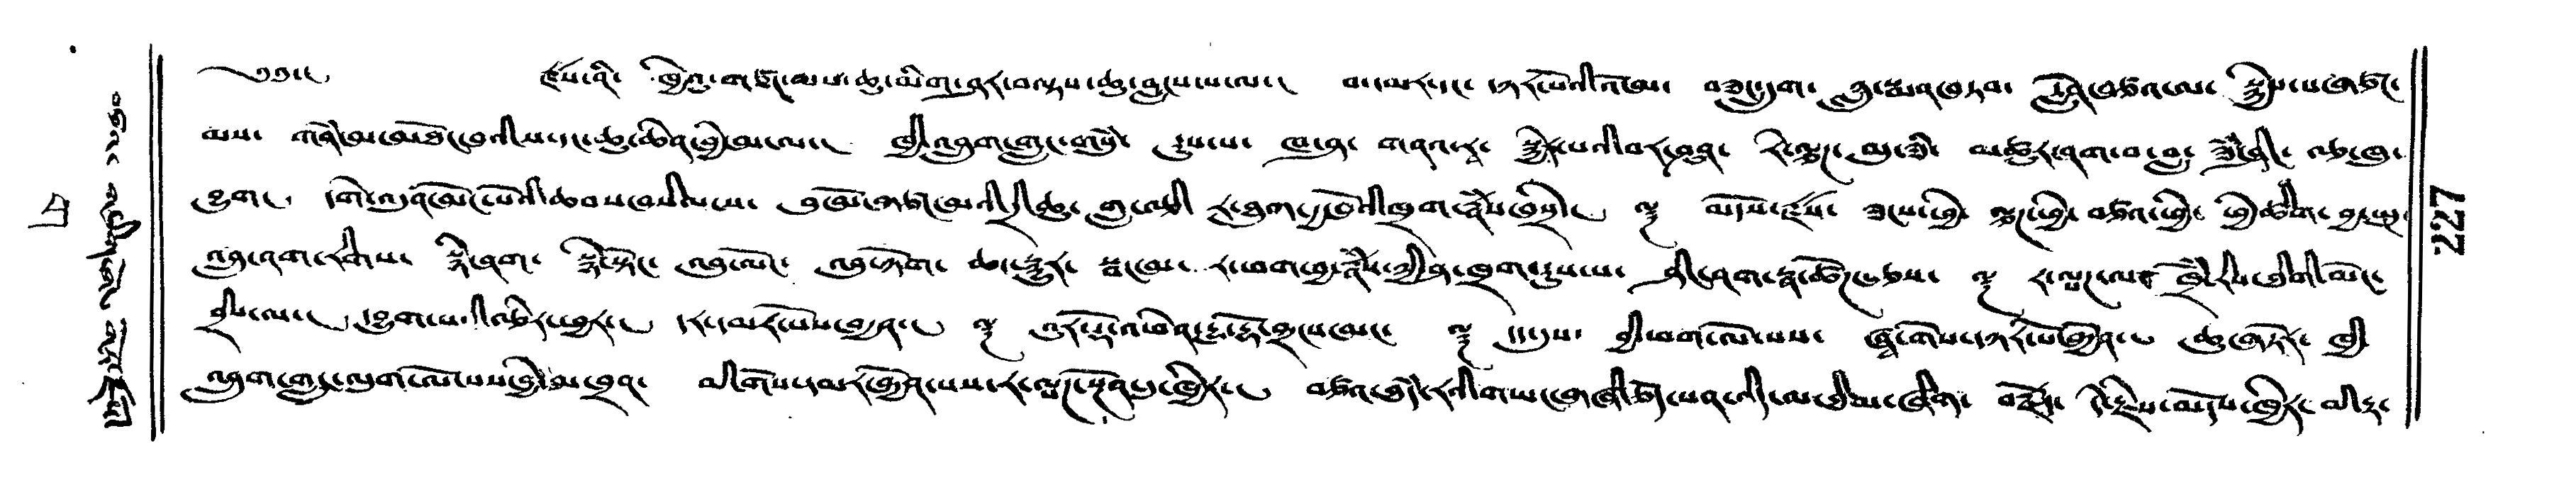རྫས་ནི། ཁྱེའུ་གཙང་མས་ཆུ་མིག་ཤར་བལྟས་ནས་ཆུ་བླངས་པ་ལ། བ་དམར་པ་དང་དཀར་པོའི་འོ་མ། བཟང་དྲུག ཀླུ་སྨན་བཏབ། རློན་བཙའ་ལ། སྐྱེས་པ་གཙང་
མས་ གནམ་མ་མཐོང་བའི་ས་དང་ཆུ་ཆེན་བྱེ་མ་ལ། ཁྱི་འབྲུག་གླང་གསུམ། རུས་པ། ཁ་ཤ། གནའ་རྭ། སྐྱེར་པའི་བར་ཤུན། རེ་ལྕག མུ་ཟི། མཚུར་ནག་བ་བླ། ཟམ་ཤིང་། རྩ་ཁུ་
བྱུག དགེ་འདུན་མང་པོའི་ཆབ་བསིལ་པ། བུ་མོ་གཙང་མའི་དྲི་ཆུ། གླ་རྩི། ར་ཐུག་རྒྱ་བོའི་ཁྲག་རྣམས་བསྲེ། ༈ མདོས་རྫས། ཟངས་ཕྱེ། ལྕགས་ཕྱེ། བཙའ་་ཕྱེ། ཕྱེ་ཚིག བྱ་སྤུ། 
འབྲུ་ནག་རིགས། སྙེ་ནག སྙེ་སྟོང་། འབུ་ལོང་། འབུ་ཀོག ཆང་སྐྱུར། སྦང་མ། ར་ཕག་བྱ་རྣམས་ཀྱི་ཤ་ཁྲག་རུས་པ། ཤིང་ནག་སྣ་ཚོགས་བཅས། ༈ ར་ལྤགས་ལ༴ ཁྲམ་རིས་ཐིག་གི་མོང་
བྲིས་ལ། དབྱུག་པའི་རྩེར་ཕྱར། དར་དམར་པོས་བརྒྱན། ༈ འུར་རྡོ་འཕེན་རྒྱུ་རྡོ་གྲངས་མང་། ༈ དད་(?)དུས། བྱི་ཕག་ལོ་པས་ཞྭ་གོས་དཀར་པོ་གྱོན། ཆུ་གཏོར་ཁྱི་
འབྲུག་གླང་ལུག་ལོ་པས་བྱེ་མ་བྲན། མི་གོས་དམར་གྱོན་པས་ར་ལྤགས་སྔོན་དུ་ཁྱེར། བཙའ་ཐམས་ཅད་རའི་གཡང་གཞི་ཅོད་པན་འདི་མ་ཐིམ་ཞིག་ཅེས་བརྗོད། དེ་རྗེས་མདོས་ཁྱིར། མི་རྟ་